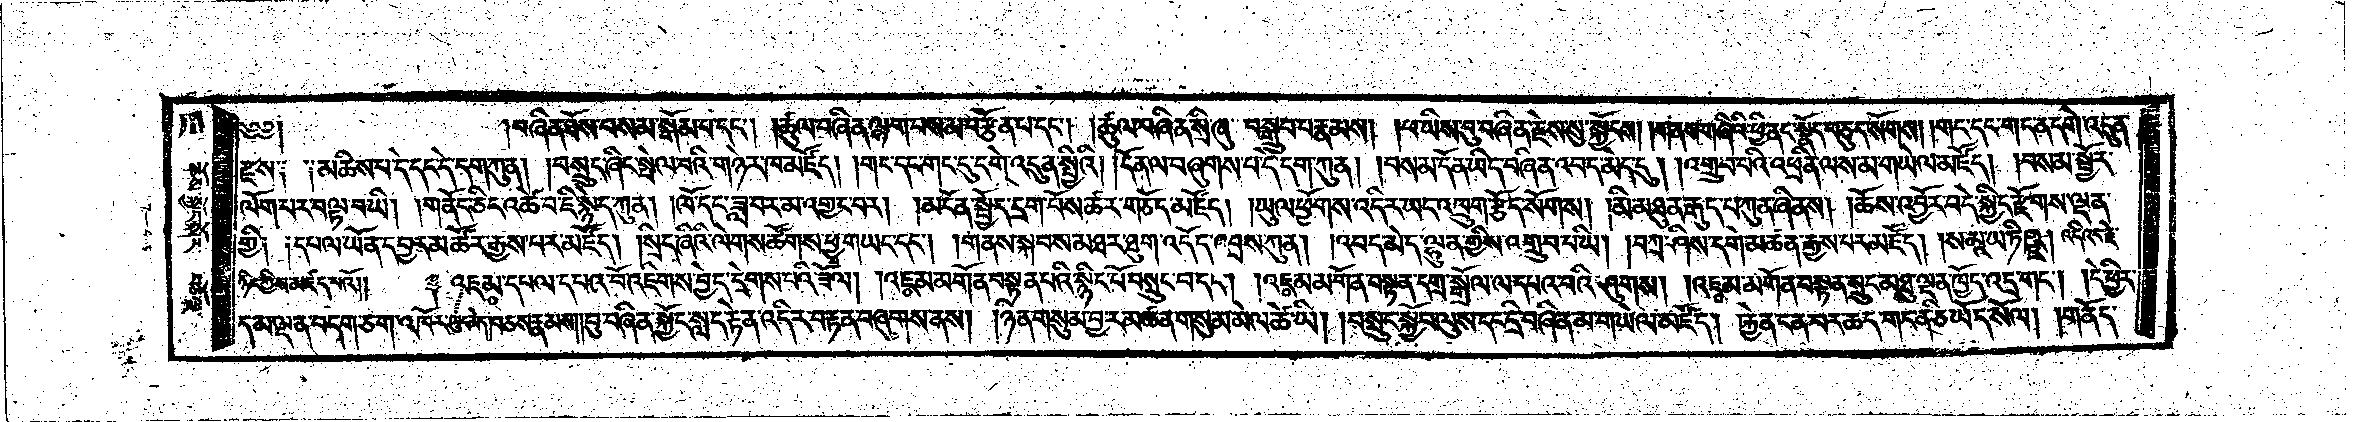༄༅། །བཞིན་ཐོས་བསམ་སྒོམ་པ་དང་། །ཚུལ་བཞིན་ལྷག་བསམ་བརྩོན་པ་དང་། །ཚུལ་བཞིན་སྲི་ཞུ་བསྒྲུབ་པ་རྣམས། །ཕ་ཡིས་བུ་བཞིན་རྗེས་སུ་སྐྱོངས། །གནས་གཞིའི་ཕྱི་ནང་སྣོད་བཅུད་སོགས། །གང་དང་གང་ན་དགེ་འདུན་
རྫས༑ ༑མཆིས་པ་དེ་དང་དེ་དག་ཀུན། །བསྲུང་ཞིང་སྤེལ་བའི་གཉེར་ཁ་མཛོད། །གང་དང་གང་དུ་དགེ་འདུན་སྤྱིའི། །དོན་ལ་བཞུགས་པ་དེ་དག་ཀུན། །བསམ་དོན་ཡིད་བཞིན་འབད་མེད་དུ། །འགྲུབ་པའི་འཕྲིན་ལས་མ་གཡེལ་མཛོད། །བསམ་སྦྱོར་
ལོག་པར་བལྟ་བ་ཡི། །གནོད་ཅིང་འཚེ་བ་ཇི་སྙེད་ཀུན། །ལོ་དང་ཟླ་བར་མ་འགྱང་བར། །མངོན་སྤྱོད་དག་བོས་ཚར་གཅོད་མཛོད། །ཡུལ་ཕྱོགས་འདིར་ཡང་འཁྲུག་རྩོད་སོགས། །མི་མཐུན་རྒུད་པ་ཀུན་ཞི་ནས། །ཆོས་འབྱོར་བདེ་སྐྱིད་རྫོགས་ལྡན་
གྱི༑ ༑དཔལ་ཡོན་དབྱར་མཚོར་རྒྱས་པར་མཛོད། །སྲིད་ཞིའི་ལེགས་ཚོགས་ཕྱག་ཡང་དང་། །གནས་སྐབས་མཐར་ཐུག་འདོད་འབྲས་ཀུན། །འབད་མེད་ལྷུན་གྱིས་འགྲུབ་པ་ཡི། །བཀྲ་ཤིས་དགེ་མཚན་རྒྱས་བར་མཛོད། །སམཱ་ཡ་ཏིཥཊཿཨ། འདིར་བརྗེ་
ཉིད་ཀྱིས་མཛད་པའོ།། ༈ ལུང་མེད།  འཇམ་དཔལ་དཔའ་བོ་འཇིགས་བྱེད་དྲེགས་པའི་ཟོལ། །འཇམ྾་མགོན་བསྟན་པའི་སྙིང་པོ་བསྲུང་བ་དང་། །འཇམ྾་མགོན་བསྟན་དགྲ་སྒྲོལ་ལ་དཔའ་བའི་ཤུགས། །འཇམ྾་མགོན་བསྟན་སྲུང་མཐུ་ལྡན་ཁྱོད་འདྲ་གང་། །དེ་ཕྱིར་
དམ་ལྡན་བདག་ཅག་འཁོར་བཅས་རྣམས། །བུ་བཞིན་སྐྱོང་སླད་རྟེན་འདིར་བརྟན་བཞུགས་ནས། །ཉིན་གསུམ་བྱར་མཚན་གསུམ་མེལ་ཚེ་ཡི། །བསྲུང་སྐྱོབ་ལུས་དང་དྲི་བཞིན་མ་གཡེལ་མཛོད། །རྐྱེན་ངན་བར་ཆད་གང་ན་ཅི་ཡོད་སོལ། །གནོད་